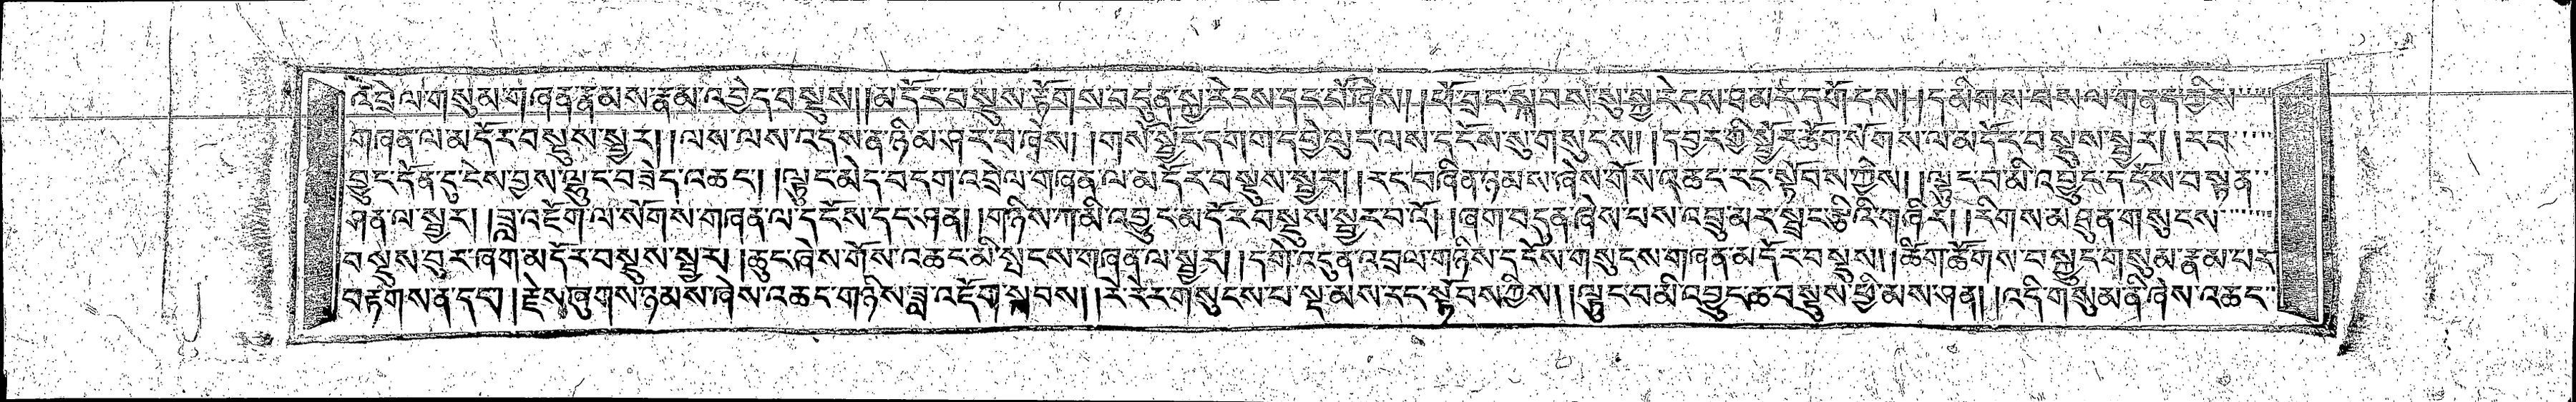འབྲེལ་གསུམ་གཞན་རྣམས་རྣམ་འབྱེད་བསྡུས། །མདོར་བསྡུས་རྟོགས་བདུན་སྐྱ་རེངས་དང་པོ་ཞེས། །ཕོ་བྲང་སྐབས་སུ་སྐྱ་རེངས་ཐ་མར་དགོངས། །དམིགས་བསལ་གནད་ཀྱིས་
གཞན་ལ་མདོར་བསྡུས་སྦྱར། །ལས་ལས་འདས་ན་ཉི་མ་ཤར་བ་ཞེས། །གསོ་སྦྱོང་དགག་དབྱེ་ལུང་ལས་དངོས་སུ་གསུངས། །དབྱར་གྱི་སྦྱོར་ཆོག་སོགས་ལ་མདོར་བསྡུས་སྦྱར། །རབ་
བྱུང་དོན་དུ་ངེས་བྱས་ལྷུང་བཟེད་འཆང་། །ལྟུང་མེད་བདག་འབྲེལ་གཞན་ལ་མདོར་བསྡུས་སྦྱར། །རང་བཞིན་ཉམས་ཞེས་གོས་འཆང་རང་སྟོབས་ཀྱིས། །ལྟུང་བ་མི་འབྱུང་དངོས་བསྟན་
ཤན་ལ་སྦྱར། །ཟླ་འཇོག་ལ་སོགས་གཞན་ལ་དངོས་དང་ཤན། །གཉིས་ཀ་མི་འབྱུང་མདོར་བསྡུས་སྦྱར་བའོ། །ཞག་བདུན་ཞེས་པས་འབྲུ་མར་སྦྲང་རྩིའི་གཞིར། །རིགས་མཐུན་གསུངས་
བསྡུས་བུར་ཞག་མདོར་བསྡུས་སྦྱར། །ཆུང་ཞེས་གོས་འཆང་མི་སྤངས་གཞན་ལ་སྦྱར། །དགེ་འདུན་འབྲལ་གཉིས་དངོས་གསུངས་གཞན་མདོར་བསྡུས། །ཚིག་ཚོགས་བསྐྱུང་གསུམ་རྣམ་པར་
བརྟགས་ན་དང་། །རྗེས་ཞུགས་ཉམས་ཞེས་འཆང་གཉིས་ཟླ་འཇོག་སྐབས། །རེ་རེར་གསུངས་པ་སྔ་མས་རང་སྟོབས་ཀྱིས། །ལྟུང་བ་མི་འབྱུང་ཆ་བསྡུས་ཕྱི་མས་ཤན། །འདི་གསུམ་ནི་ཞེས་འཆང་